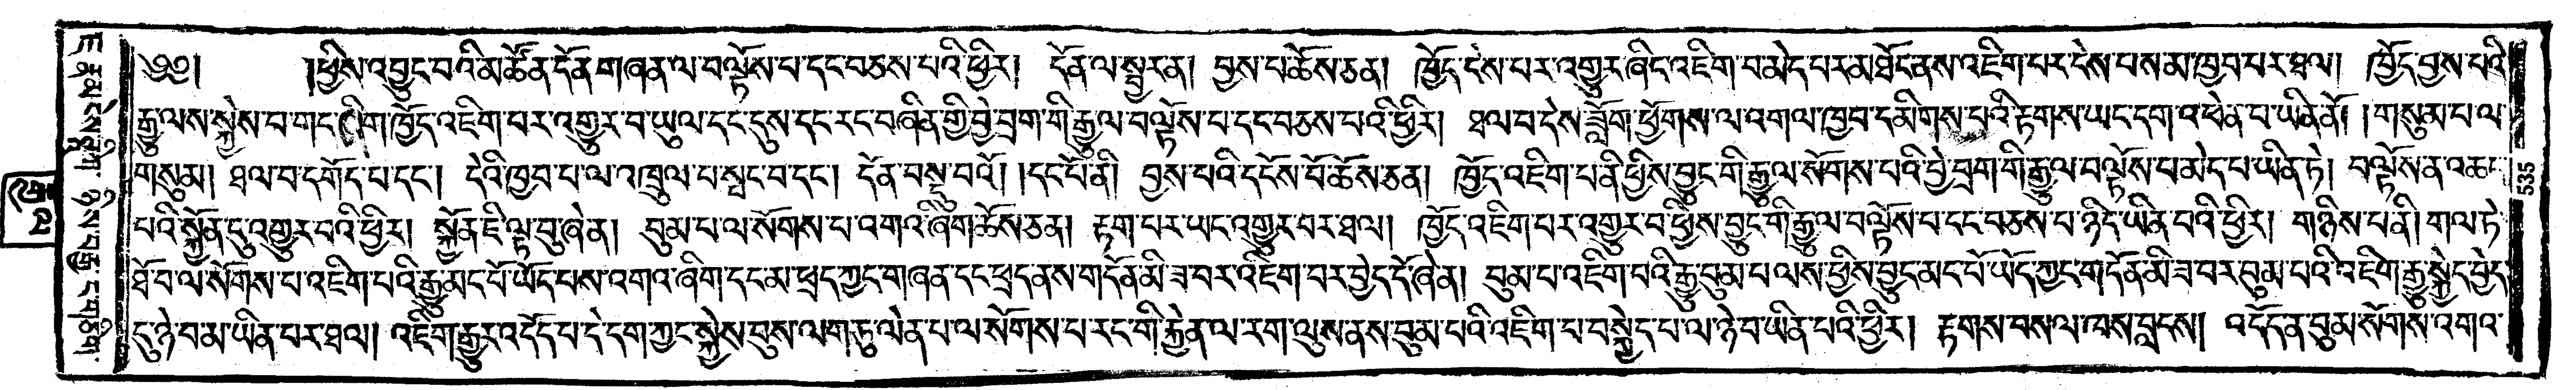༄༅། །ཕྱིས་འབྱུང་བའི་མཚོན་དོན་གཞལ་ལ་བལྟོས་པ་དང་བཅས་པའི་ཕྱིར། དོན་ལ་སྦྱར་ན། བྱས་པ་ཆོས་ཅན། ཁྱོད་ངེས་པར་འགྱུར་ཞིང་འཇིག་པ་མེད་པར་མཐོང་ནས་འཇིག་པར་ངེས་པས་མ་ཁྱབ་པར་ཐལ། ཁྱོད་བྱས་པའི་
རྒྱུ་ལས་སྐྱེས་པ་གང་ཞིག་ཁྱོད་འཇིག་པར་འགྱུར་བ་ཡུལ་དང་དུས་དང་རང་བཞིན་གྱི་བྱེ་བྲག་གི་རྒྱུ་ལ་བལྟོས་པ་དང་བཅས་པའི་ཕྱིར། ཐལ་བ་དེས་ཟློག་ཕྱོགས་ལ་འགལ་ཁྱབ་དམིགས་པའི་རྟགས་ཡང་དག་འཕེན་པ་ཡིན་ནོ། །གསུམ་པ་ལ་
གསུམ། ཐལ་བ་དགོད་པ་དང་། དེའི་ཁྱབ་པ་ལ་འཁྲུལ་པ་སྤང་བ་དང་། དོན་བསྡུ་བའོ། །དང་པོ་ནི། བྱས་པའི་དངོས་པོ་ཆོས་ཅན། ཁྱོད་འཇིག་པ་ནི་ཕྱིས་བྱུང་གི་རྒྱུ་ལ་སོགས་པའི་བྱེ་བྲག་གི་རྒྱུ་ལ་བལྟོས་པ་མེད་པ་ཡིན་ཏེ། བལྟོས་ན་འཆད་
པའི་སྐྱོན་དུ་འགྱུར་བའི་ཕྱིར། སྐྱོན་ཇི་ལྟ་བུ་ཞེ་ན། བུམ་པ་ལ་སོགས་པ་འགའ་ཞིག་ཆོས་ཅན། རྟག་པར་ཡང་འགྱུར་བར་ཐལ། ཁྱོད་འཇིག་པར་འགྱུར་བ་ཕྱིས་བྱུང་གི་རྒྱུ་ལ་བལྟོས་པ་དང་བཅས་པ་ཉིད་ཡིན་པའི་ཕྱིར། གཉིས་པ་ནི། གལ་ཏེ་
ཐོ་བ་ལ་སོགས་པ་འཇིག་པའི་རྒྱུ་མང་པོ་ཡོད་པས་འགའ་ཞིག་དང་མ་ཕྲད་ཀྱང་གཞན་དང་ཕྲད་ནས་གདོན་མི་ཟ་བར་འཇིག་པར་བྱེད་དོ་ཞེ་ན། བུམ་པ་འཇིག་པའི་རྒྱུ་བུམ་པ་ལས་ཕྱིས་བྱུང་མང་པོ་ཡོད་ཀྱང་གདོན་མི་ཟ་བར་བུམ་པའི་འཇིག་རྒྱུ་སྐྱེད་བྱེད་
དུ་ཉེ་བ་མ་ཡིན་པར་ཐལ། འཇིག་རྒྱུར་འདོད་པ་དེ་དག་ཀྱང་སྐྱེས་བུས་ལག་ཏུ་ལེན་པ་ལ་སོགས་པ་རང་གི་རྐྱེན་ལ་རག་ལུས་ནས་བུམ་པའི་འཇིག་པ་བསྐྱེད་པ་ལ་ཉེ་བ་ཡིན་པའི་ཕྱིར། རྟགས་བསལ་ཁས་བླངས། འདོད་ན་བུམ་སོགས་འགའ་